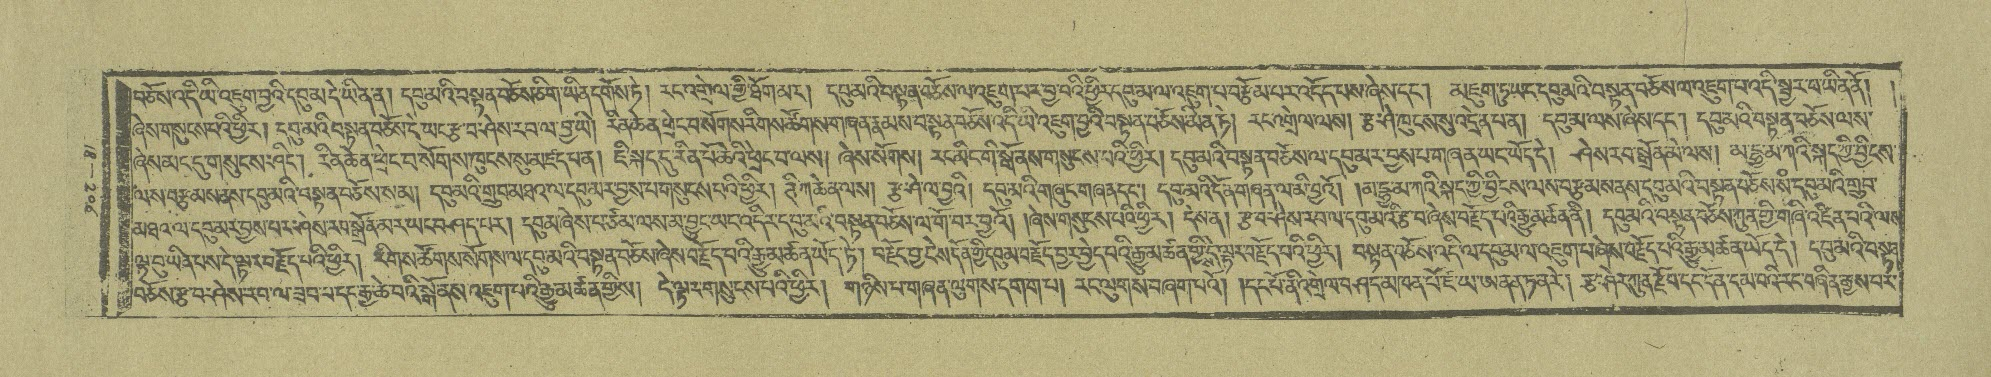བཅོས་འདི་ཡི་འཇུག་བྱའི་དབུ་མ་དེ་ཡིན་ན། དབུ་མའི་བསྟན་བཅོས་ཅིག་ཡིན་དགོས་ཏེ། རང་འགྲེལ་གྱི་ཐོག་མར། དབུ་མའི་བསྟན་བཅོས་ལ་འཇུག་པར་བྱ་བའི་ཕྱིར་དབུ་མ་ལ་འཇུག་པ་བརྩོམ་པར་འདོད་པས་ཞེས་དང་། མཇུག་ཏུ་ཡང་དབུ་མའི་བསྟན་བཅོས་ལ་འཇུགས་འདི་སྦྱར་བ་ཡིན་ནོ།
ཞེས་གསུངས་པའི་ཕྱིར། དབུ་མའི་བསྟན་བཅོས་དེ་ཡང་རྩ་བ་ཤེས་རབ་ལ་བྱ་ཡི། རིན་ཆེན་ཕྲེང་བ་སོགས་རིགས་ཚོགས་གཞན་རྣམས་བསྟན་བཅོས་འདི་ཡི་འཇུག་བྱའི་བསྟན་བཅོས་མིན་ཏེ། རང་འགྲེལ་ལས། རྩ་ཤེས་ཁུངས་སུ་འདྲེན་པ་ན། དབུ་མ་ལས་ཞེས་དང་། དབུ་མའི་བསྟན་བཅོས་ལས་
ཞེས་མང་དུ་གསུངས་ཤིང་། རིན་ཆེན་ཕྲེང་བ་སོགས་ཁུངས་སུ་མཛད་པ་ན། ཇི་སྐད་དུ་རིན་པོ་ཆེའི་ཕྲེང་བ་ལས། ཞེས་སོགས། རང་མིང་གི་སྒོ་ནས་གསུངས་པའི་ཕྱིར། དབུ་མའི་བསྟན་བཅོས་ལ་དབུ་མར་བྱས་པ་གཞན་ཡང་ཡོད་དེ། ཤེས་རབ་སྒྲོན་མེ་ལས། མ་དྷྱ་མ་ཀའི་སྐད་ཀྱི་བྱིངས་
ལས་བརྩམས་ནས་དབུ་མའི་བསྟན་བཅོས་སམ། དབུ་མའི་གྲུབ་མཐའ་ལ་དབུ་མར་བྱས་པ་གསུངས་པའི་ཕྱིར། ཊཱིཀ་ཆེན་ལས། རྩ་ཤེལ་ལ་བྱའི། དབུ་མའི་གཞུང་གཞན་དང་། དབུ་མའི་དོན་གཞན་ལ་མི་བྱའོ། །མ་དྷྱ་མ་ཀའི་སྐད་ཀྱི་བྱིངས་ལས་བརྩམས་ནས་དབུ་མའི་བསྟན་བཅོས་སཾ་དབུ་མའི་གྲུབ་
མཐའ་ལ་དབུ་མར་བྱས་པར་ཤེས་རབ་སྒྲོན་མར་ཡང་བཤད་པར། དབུ་མ་ཞེས་པ་ཙམ་ལས་མ་བྱུང་ཡང་འདིར་དབུ་མའི་བསྟན་བཅོས་ལ་གོ་བར་བྱའོ། །ཞེས་གསུངས་པའི་ཕྱིར། དེས་ན། རྩ་བ་ཤེས་རབ་ལ་དབུ་མའི་རྩ་བ་ཞེས་བརྗོད་པའི་རྒྱུ་མཚན་ནི། དབུ་མའི་བསྟན་བཅོས་ཀུན་གྱི་གཞི་འཛིན་པའི་ལུས་
ལྟ་བུ་ཡིན་པས་དེ་ལྟར་བརྗོད་པའི་ཕྱིར། རིགས་ཚོགས་སོགས་ལ་དབུ་མའི་བསྟན་བཅོས་ཞེས་བརྗོད་པའི་རྒྱུ་མཚན་ཡོད་དེ། བརྗོད་བྱ་ངེས་དོན་གྱི་དབུ་མ་བརྗོད་བྱར་བྱེད་པའི་རྒྱུ་མཚན་གྱིས་དེ་ལྟར་བརྗོད་པའི་ཕྱིར། བསྟན་བཅོས་འདི་ལ་དབུ་མ་ལ་འཇུག་པ་ཞེས་བརྗོད་པའི་རྒྱུ་མཚན་ཡོད་དེ། དབུ་མའི་བསྟན་
བཅོས་རྩ་བ་ཤེས་རབ་ལ་ཟབ་བ་དང་རྒྱ་ཆེ་བའི་སྒོ་ནས་འཇུག་པའི་རྒྱུ་མཚན་གྱིས། དེ་ལྟར་གསུངས་པའི་ཕྱིར། གཉིས་པ་གཞན་ལུགས་དགག་པ། རང་ལུགས་བཞག་པའོ། དང་པོ་ནི་འགྲེལ་བཤད་མཁན་པོ་ཛ་ཡ་ཨ་ནན་ཏ་ན་རེ། རྩ་ཤེར་ཀུན་རྫོབ་དང་དོན་དམ་པའི་རང་བཞིན་རྒྱས་པར་